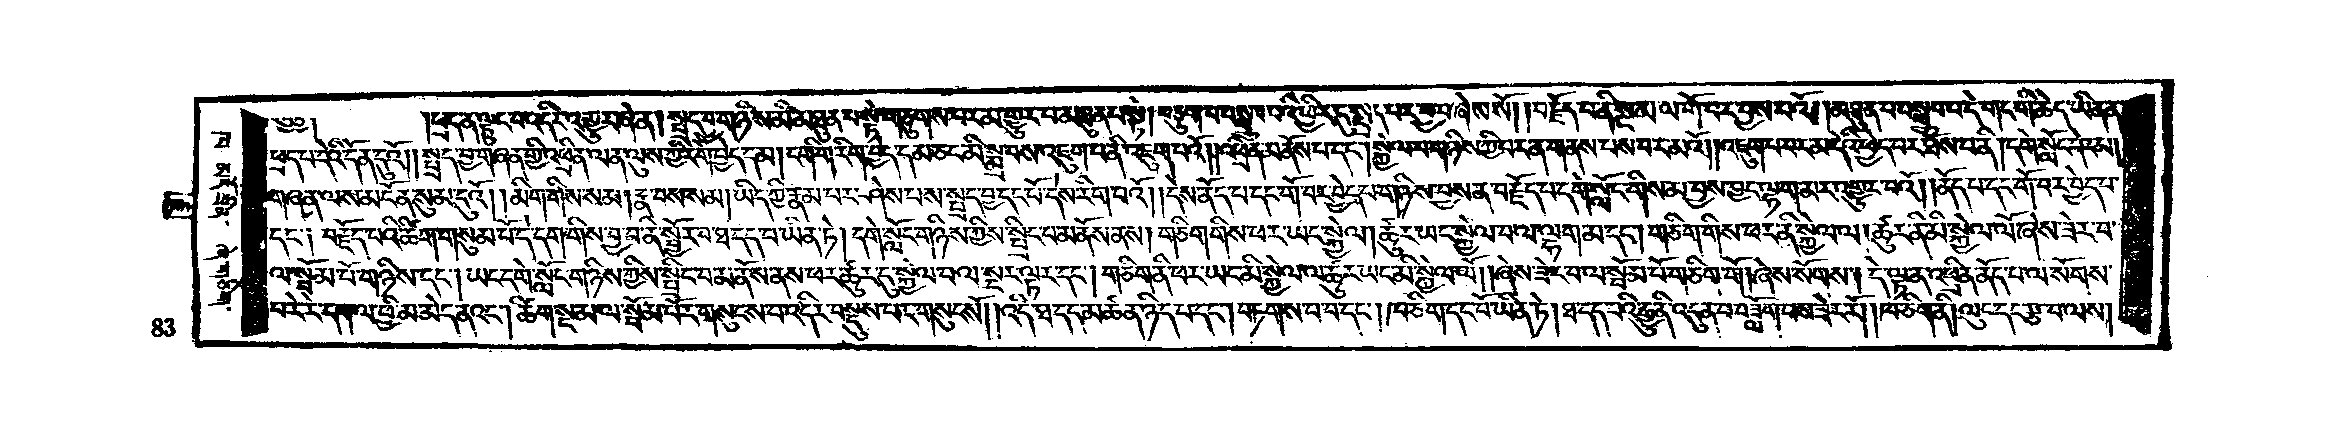༄༅། །པྲད་ན་ལྟུང་བ་འདིར་འགྱུར་ཞེ་ན། སྤྲད་བྱ་གཉིས་མི་མཐུན་པ་སྟེ་གཅུགས་པར་མ་གྱུར་པ་མཐུན་པ་སྟེ། བཅུག་པ་བསྒྲུབ་པའི་ཕྱིར་དུ་སྤྲད་པར་བྱ་བ་ཞེས་སོ། །བརྗོད་པ་ནི་སྔ་མ་ལ་གོ་བར་བྱས་པའོ། །མཐུན་པ་བསྒྲུབ་པ་དེ་གང་གི་ཆེད་ཡིན་ན་
ཕྲད་པ་དེའི་དོན་དུའོ། །སྤྲད་བྱ་གཞན་གྱི་འཕྲིན་ལན་ལུས་ཀྱི་རིག་བྱེད་དམ། ངག་གི་རིག་བྱེད་དམ་ཅང་མི་སྨྲ་བས་འཇུག་པ་ནི་འཇུག་པའོ། །འཕྲིན་མནོས་པ་དང་། སྐྱེལ་བ་གཉིས་ཀྱི་བར་ན་གནས་པས་བར་མའོ། །འཇུག་པ་བར་མ་དེའི་ཕྱེད་པར་ཐོས་པ་ནི། དགེ་སློང་དེའམ།
གཞན་ལས་མངོན་སུམ་དུའོ། །མིག་གིས་སམ། རྣ་བས་སམ། ཡིད་ཀྱི་རྣམ་པར་ཤེས་པས་སྤྲད་བྱ་དང་པོ་དེས་རིག་པའོ། །དེས་ནོད་པ་དང་གོ་བར་བྱེད་པ་གཉིས་བྱས་ན་བརྗོད་པ་དགེ་སློང་གིས་མ་བྱས་ཀྱང་ལྷག་མར་འགྱུར་བའོ། །ནོད་པ་དང་གོ་བར་བྱེད་པ་
དང་། བརྗོད་པའི་ཚིག་གསུམ་པོ་དེ་དག་གིས་བྱ་བ་ནི་སྦྱོར་བ་ཐ་དད་པ་ཡིན་ཏེ། དགེ་སློང་གཉིས་ཀྱིས་སྤྲིང་པ་མནོས་ནས། གཅིག་གིས་ཕར་ཡང་སྐྱེལ། ཚུར་ཡང་སྐྱེལ་བ་ལ་ལྷག་མ་དང་། གཅིག་གིས་ཕར་ནི་སྐྱེལ་ལ། ཚུར་ནི་མི་སྐྱེལ་ལོ་ཞེས་ཟེར་བ་
ལ་སྦོམ་པོ་གཉིས་དང་། ཡང་དགེ་སློང་གཉིས་ཀྱིས་སྦྲིང་བ་མ་མནོས་ནས་ཕར་ཚུར་དུ་སྐྱེལ་བལ་སྔར་ལྟར་དང་། གཅིག་ནི་ཕར་ཡང་མི་སྐྱེལ་ལ་ཚུར་ཡང་མི་སྐྱེལ་ལོ། །ཞེས་ཟེར་བ་ལ་སྦོམ་པོ་གཅིག་གོ །ཞེས་སོགས། དེ་ལྟ་ན་འཕྲིན་ནོད་པ་ལ་སོགས་
པ་རེ་རེ་དག་ལ་ཕྱི་མ་མེད་ནའང་། ཚིག་སྔ་མ་ལ་སྦོམ་པོར་གསུངས་པ་འདིར་བསྡུས་པར་གསུངས་སོ། །འདི་ཐ་དད་མཚན་ཉིད་པ་དང་། བཏགས་པ་བ་དང་། ཁ་ཅིག་དང་པོ་ཡིན་ཏེ། ཐ་དད་པའི་རྒྱུ་ནི་འདུན་པ་བཟློག་པས་ཟེར་རོ། །ཁ་ཅིག་ནི། ལུང་དང་རྩ་བ་ལས།